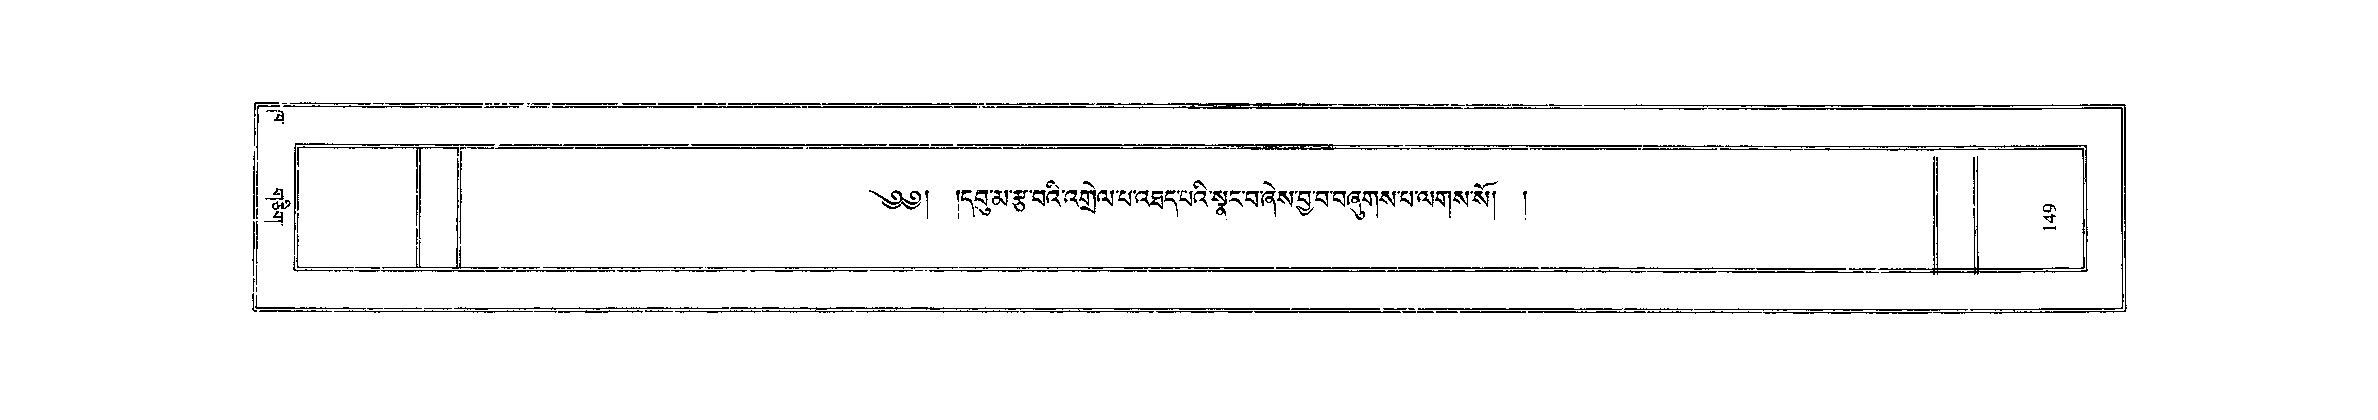༄༅། །དབུ་མ་རྩ་བའི་འགྲེལ་པ་འཐད་པའི་སྣང་བ་ཞེས་བྱ་བ་བཞུགས་པ་ལགས་སོ། །